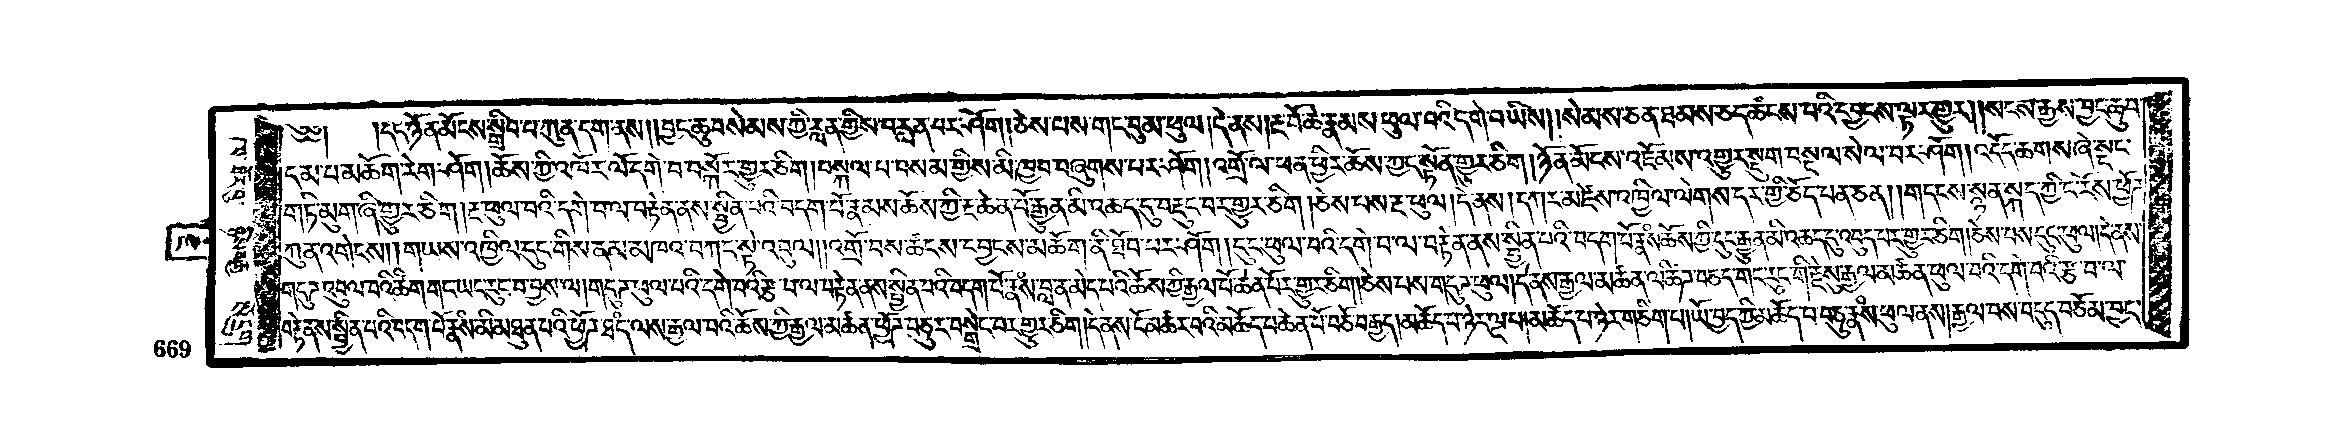༄༅། །དང་ཉོན་མོངས་སྒྲིབ་པ་ཀུན་དག་ནས། །བྱང་ཆུབ་སེམས་ཀྱི་རླན་གྱིས་བརླན་པར་ཤོག །ཅེས་པས་གང་བུམ་ཕུལ། དེ་ནས། རྔ་བོ་ཆེ་རྣམས་ཕུལ་བའི་དགེ་བ་ཡིས། །སེམས་ཅན་ཐམས་ཅད་ཚངས་པའི་དབྱངས་ལྟར་གྱུར། །སངས་རྒྱས་བྱང་ཆུབ་
དམ་པ་མཆོག་རེག་ཤོག །ཆོས་ཀྱི་འཁོར་ལོ་དགེ་བ་བསྐོར་གྱུར་ཅིག །བསྐལ་པ་བསམ་གྱིས་མི་ཁྱབ་བཞུགས་པར་ཤོག །འགྲོ་ལ་ཕན་ཕྱིར་ཆོས་ཀྱང་སྟོན་གྱུར་ཅིག །ཉོན་མོངས་འཇོམས་འགྱུར་སྡུག་བསྔལ་སེལ་བར་ཤོག །འདོད་ཆགས་ཞེ་སྡང་
གཏི་མུག་ཞི་གྱུར་ཅིག །རྔ་ཕུལ་བའི་དགེ་བ་ལ་བརྟེན་ནས་སྦྱིན་པའི་བདག་པོ་རྣམས་ཆོས་ཀྱི་རྔ་ཆེན་པོ་རྒྱུན་མི་འཆད་དུ་བརྡུང་བར་གྱུར་ཅིག །ཅེས་པས་རྔ་ཕུལ། དེ་ནས། དཀར་མཛེས་འཁྱིལ་ལེགས་དར་གྱི་ཅོད་པན་ཅན། །གདངས་སྙན་སྐད་ཀྱི་ང་རོས་ཕྱོགས་
ཀུན་འགེངས། །གཡས་འཁྱིལ་དུང་གིས་ནམ་མཁའ་བཀང་སྟེ་འབུལ། །འགྲོ་བས་ཚངས་དབྱངས་མཆོག་ནི་ཐོབ་པར་ཤོག །དུང་ཕུལ་བའི་དགེ་བ་ལ་བརྟེན་ནས་སྦྱིན་པའི་བདག་པོ་རྣམས་ཆོས་ཀྱི་དུང་རྒྱུན་མི་འཆད་དུ་འབུད་པར་གྱུར་ཅིག །ཅེས་པས་དུང་ཕུལ། དེ་ནས་
གདུགས་འབུལ་བའི་ཚིག་གང་ཡང་རུང་བ་བྱས་ལ། གདུགས་ཕུལ་པའི་དགེ་བའི་རྩ་བ་ལ་བརྟེན་ནས་སྦྱིན་པའི་བདག་པོ་རྣམས་བླ་ན་མེད་པའི་ཆོས་ཀྱི་རྒྱལ་པོ་ཆེན་པོར་གྱུར་ཅིག །ཅེས་པས་གདུགས་ཕུལ། དེ་ནས་རྒྱལ་མཚན་ལ་ཚིགས་བཅད་གང་རུང་གི་རྗེས་སུ་རྒྱལ་མཚན་ཕུལ་བའི་དགེ་བའི་རྩ་བ་ལ་
བརྟེན་ནས་སྦྱིན་པའི་བདག་པོ་རྣམས་མི་མཐུན་པའི་ཕྱོགས་ཐམས་ཅད་ལས་རྒྱལ་བའི་ཆོས་ཀྱི་རྒྱལ་མཚན་ཕྱོགས་བཅུར་བསྒྲེང་བར་གྱུར་ཅིག །དེ་ནས་ངོ་མཚར་བའི་མཆོད་པ་ཆེན་པོ་བཅོ་བརྒྱད། མཆོད་པ་ཉེར་ལྔ་པ། མཆོད་པ་ཉེར་གཅིག་པ། ཡོ་བྱད་ཀྱི་མཆོད་པ་བཅུ་རྣམས་ཕུལ་ནས། རྒྱལ་བས་བདུད་བཅོམ་?་བྱང་